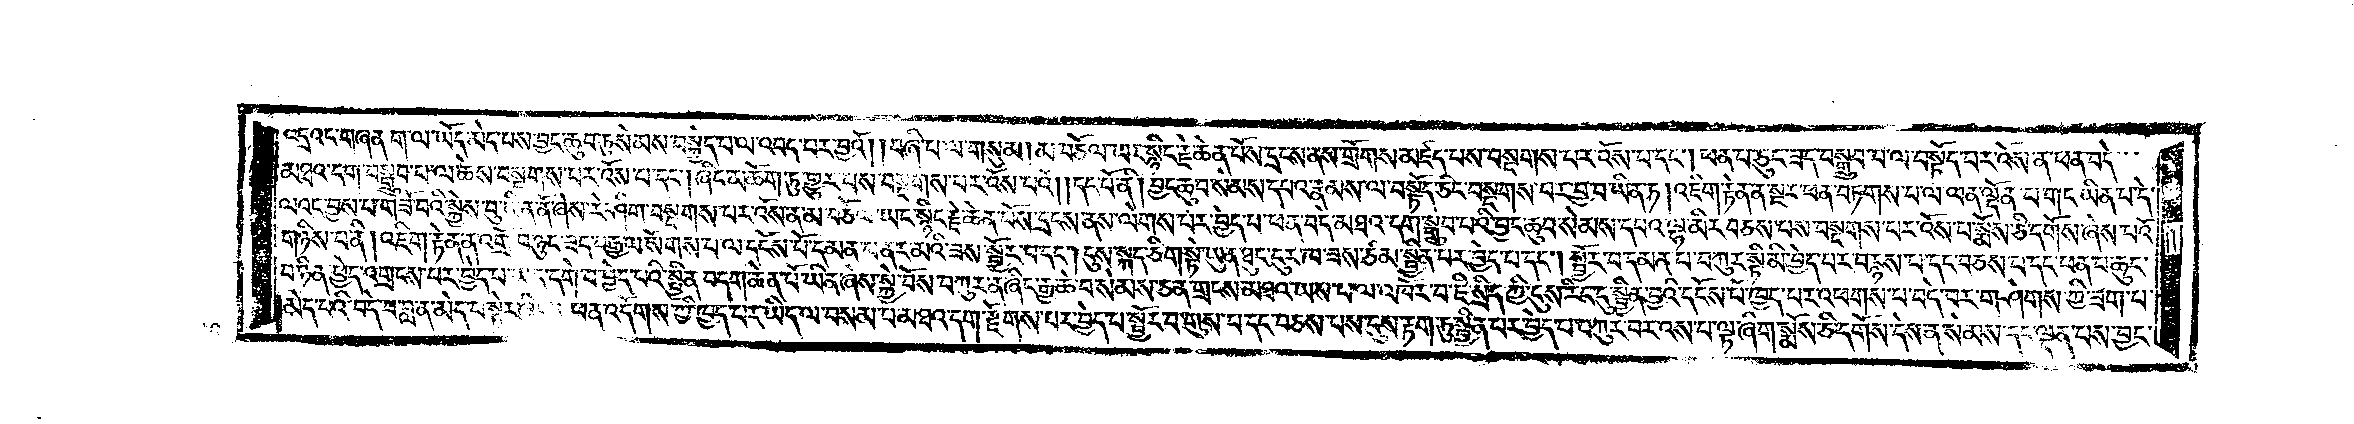འདྲའང་གཞན་ག་ལ་ཡོད་མེད་པས་བྱང་ཆུབ་ཏུ་སེམས་བསྐྱེད་པ་ལ་འབད་པར་བྱའོ། །བཞི་པ་ལ་གསུམ། མ་བཅོལ་ཡར་སྙིང་རྗེ་ཆེན་པོས་དྲངས་ནས་གྲོགས་མཛད་པས་བསྔགས་པར་འོས་པ་དང་། ཕན་པ་ཅུང་ཟད་བསྒྲུབ་པ་ལ་བསྟོད་པར་འོས་ན་ཕན་བདེ་
མཐའ་དག་བསྒྲུབ་པ་ལ་ཆོས་བསྔགས་པར་འོས་པ་དང་། ཞིང་མཆོག་ཏུ་གྱུར་པས་བསྔགས་པར་འོས་པའོ། །དང་པོ་ནི། བྱང་ཆུབ་སེམས་དཔའ་རྣམས་ལ་བསྟོད་ཅིང་བསྔགས་པར་བྱ་བ་ཡིན་ཏེ། འཇིག་རྟེན་ན་སྔར་ཕན་བཏགས་པ་ལ་ལན་ལྡོན་པ་གང་ཡིན་པ་དེ་
ལའང་བྱས་པ་གཟོ་བའི་སྐྱེས་བུ་ཡིན་ནོ་ཞེས་རེ་ཤིག་བསྔགས་པར་འོས་ན་མ་བཅོལ་ཡང་སྙིང་རྗེ་ཆེན་པོས་དྲངས་ནས་ལེགས་པར་བྱེད་པ་ཕན་བདེ་མཐའ་དག་སྒྲུབ་པའི་བྱང་ཆུབ་སེམས་དཔའ་ལྷ་མིར་བཅས་པས་བསྔགས་པར་འོས་པ་སྨོས་ཅི་དགོས་ཞེས་པའོ། །
གཉིས་པ་ནི་འཇིག་རྟེན་ན་འགྲོ་བ་ཉུང་ཟད་པ་རྒྱ་ལ་སོགས་པ་ལ་དངོས་པོ་དམན་པ་ནར་མའི་ཟས་སྦྱོར་བ་དང་། དུས་སྐད་ཅིག་སྟེ་ཡུན་ཐུང་ངུར་ཁ་ཟས་ཙམ་སྦྱིན་པར་བྱེད་པ་དང་། སྦྱོར་བ་དམན་པ་བཀུར་སྟི་མི་བྱེ་དཔར་བརྙས་པ་དང་བཅས་པས་དང་ཕན་པ་ཆུང་
བ་ཉིན་ཕྱེད་འགྲངས་པར་བྱེད་པ་ཡང་དགེ་བས་བྱེད་པའི་སྦྱིན་བདག་ཆེན་པོ་ཡིན་ཞེས་སྐྱེ་བོས་བཀུར་ན་ཞིང་རྒྱ་ཆེ་བ་སེམས་ཅན་གྲངས་མཐའ་ཡས་པ་ལ་འཁོར་བ་ཇི་སྲིད་ཀྱི་དུས་རིང་དུ་སྦྱིན་བྱའི་དངོས་པོ་ཁྱད་པར་འཕགས་པ་བདེ་བར་གཤེགས་ཀྱི་ཟག་པ་
མེད་པའི་བདེ་བ་བླ་ན་མེད་པ་སྟེར་ཞིང་། ཕན་འདོགས་ཀྱི་ཁྱད་པར་ཡིད་ལ་བསམ་པ་མཐའ་དག་རྫོགས་པར་བྱེད་པ་སྦྱོར་བ་གུས་པ་དང་བཅས་པས་དུས་རྟག་ཏུ་སྦྱིན་པར་བྱེད་པ་བཀུར་བར་འོས་པ་ལྟ་ཞིག་སྨོས་ཅི་དགོས་དེས་ན་སེམས་དང་ལྡན་པས་བྱང་